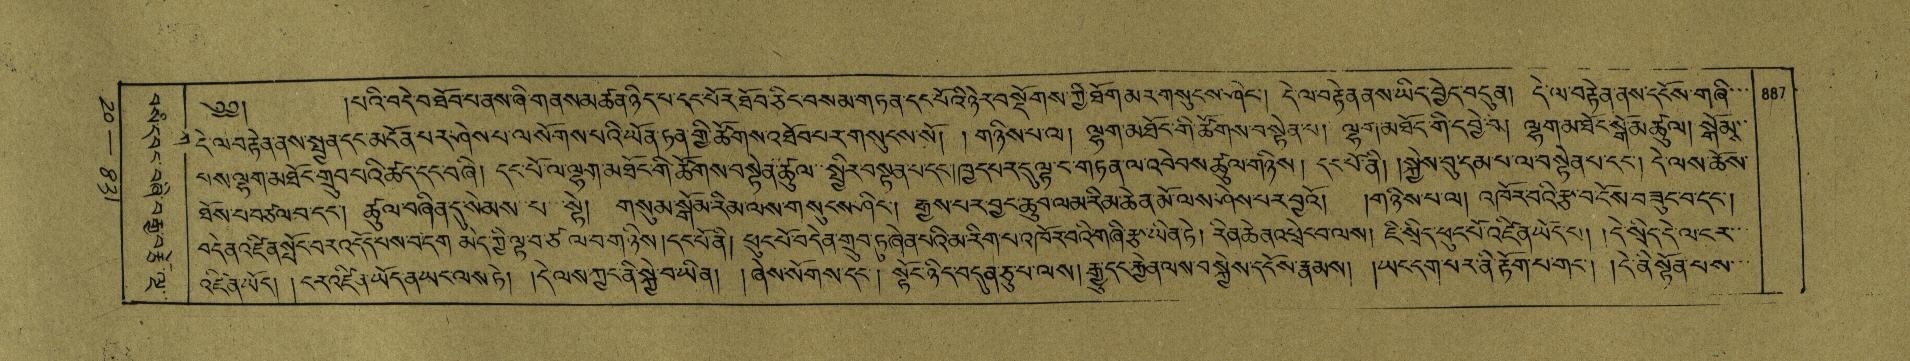༄༅། །པའི་བདེ་བ་ཐོབ་པ་ནས་ཞི་གནས་མཚན་ཉིད་པ་དང་པོར་ཐོབ་ཅིང་བསམ་གཏན་དང་པོའི་ཉེར་བསྔོགས་ཀྱི་ཐོག་མར་གསུངས་ཤིང་། དེ་ལ་བརྟེན་ནས་ཡིད་བྱེད་བདུན། དེ་ལ་བརྟེན་ནས་དངོས་གཞི་
དེ་ལ་བརྟེན་ནས་སྤྱན་དང་མངོན་པར་ཤེས་པ་ལ་སོགས་པའི་ཡོན་ཏན་གྱི་ཚོགས་འཐོབ་པར་གསུངས་སོ། །གཉིས་པ་ལ། ལྷག་མཐོང་གི་ཚོགས་བསྟེན་པ། ལྷག་མཐོང་གི་དབྱེ་བ། ལྷག་མཐོང་སྒོ་མཚུལ། སྒོམས་
པས་ལྷག་མཐོང་གྲུབ་བའི་ཚད་དང་བཞི། དང་པོ་ལ་ལྷག་མཐོང་གི་ཚོགས་བསྟེན་ཚུལ་སྤྱིར་བསྟན་པ་དང་། ཁྱད་པར་དུ་ལྟ་བ་གཏན་ལ་འབེབས་ཚུལ་གཉིས། དང་པོ་ནི། །སྐྱེས་བུ་དམ་པ་ལ་བསྟེན་པ་དང་། དེ་ལས་ཆོས་
ཐོས་པ་བཙལ་བ་དང་། ཚུལ་བཞིན་དུ་སེམས་པ་སྟེ། གསུམ་སྒོམ་རིམ་ལས་གསུངས་ཤིང་། རྒྱས་པར་བྱང་ཆུབ་ལམ་རིམ་ཆེན་མོ་ལས་ཤེས་པར་བྱའོ། །གཉིས་པ་ལ། འཁོར་བའི་རྩ་བ་ངོས་བཟུང་བ་དང་།
བདེན་འཛིན་སྤོང་བར་འདོད་པས་བདག་མེད་ཀྱི་ལྟ་བ་ཙལ་བ་གཉིས། དང་པོ་ནི། ཕུང་པོ་བདེན་གྲུབ་ཏུ་ཞེན་པའི་མ་རིག་པ་འཁོར་བའི་གཞི་རྩ་ཡིན་ཏེ། རིན་ཆེན་འཕྲེང་བ་ལས། ཇི་སྲིད་ཕུང་པོ་འཛིན་ཡོད་པ། །དེ་སྲིད་དེ་ལ་ངར་
འཛིན་ཡོད། །ངར་འཛིན་ཡོད་ན་ཡང་ལས་ཏེ། །དེ་ལས་ཀྱང་ནི་སྐྱེ་བ་ཡིན། །ཞེས་སོགས་དང་། སྟོང་ཉིད་བདུན་ཅུ་པ་ལས། རྒྱུ་དང་རྐྱེན་ལས་བསྐྱེས་དངོས་རྣམས། །ཡང་དག་པར་ནི་རྟོག་པ་གང་། །དེ་ནི་སྟོན་པས་